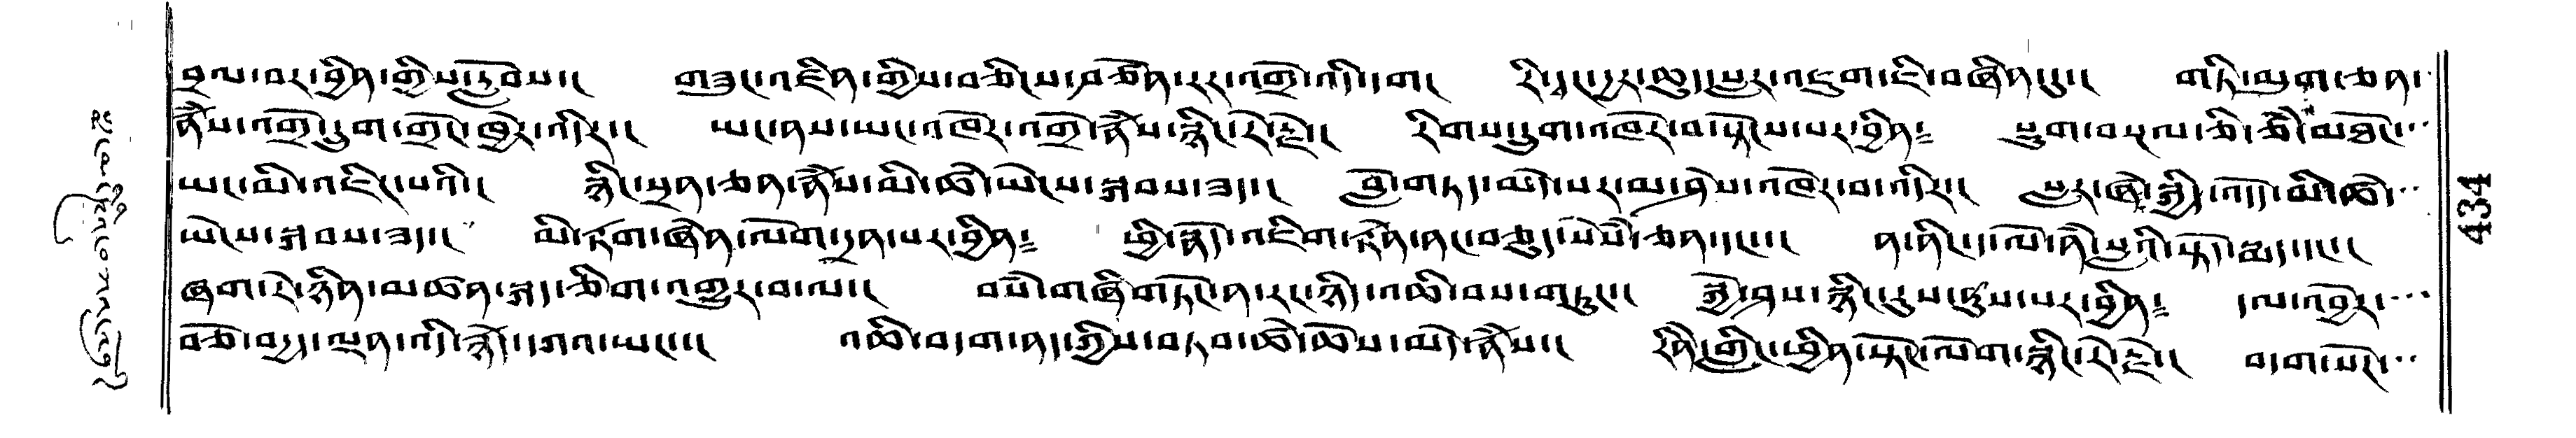བྲལ་བར་བྱིན་གྱིས་རློབས། །གཟུང་འཛིན་གྱིས་བཅིངས་བཙོན་རར་འགྲོ་འདི་དག །རི་དྭགས་རྒྱར་ཆུད་སླར་འཇུག་ཇི་བཞིན་དུ། །གཏི་མུག་ཅན་
རྣམས་འགྲོ་དྲུག་གྲོང་ཁྱེར་འདིར། །ཡང་ནས་ཡང་འཁོར་འགྲོ་རྣམས་སྙིང་རེ་རྗེ། །རིགས་དྲུག་འཁོར་བ་སྟོངས་པར་བྱིན༴ སྡུག་བསྔལ་ཅི་ཅམ་མཐོང་
ཡང་མི་འཇིགས་པའི། །སྙིང་སྲན་ཅན་རྣམས་མི་ཚེ་ཡེངས་སྐབས་ཟད། །བློ་གཏད་མེད་པར་མ་ཤེས་འཁོར་བ་འདིར། །སླར་ཞེན་སྐྱིད་འདོད་མི་ཚེ་
ཡེངས་སྐབས་ཟད། །མི་རྟག་ཞེན་ལོག་དྲན་པར་བྱིན༴ ཕྱི་སྣོད་འཇིག་རྟེན་ནང་བཅུད་སེམས་ཅན་དང་། །ན་ནིང་ད་ལོ་ནམ་ཟླའི་སྟོད་སྨད་དང་། །
ཞག་རེ་ཉིན་མཚན་སྐད་ཅིག་འགྱུར་བ་ལ། །བསམ་གཞིག་བཏང་ན་རང་ཉིད་འཆི་བས་གཏུགས། །སྐྱོ་ཤས་སྙིང་རུས་ནུས་པར་བྱིན༴ དལ་འབྱོར་
བཅོ་བརྒྱད་ལྡན་འདི་རྙེད་དཀའ་ཡང་། །འཆི་བདག་ནད་ཀྱིས་བཏབ་ཚེ་ཆོས་མེད་རྣམས། །རིན་ཆེན་གླིང་ཕྱིན་སྟོང་ལོག་སྙིང་རེ་རྗེ། །བདག་སོགས་